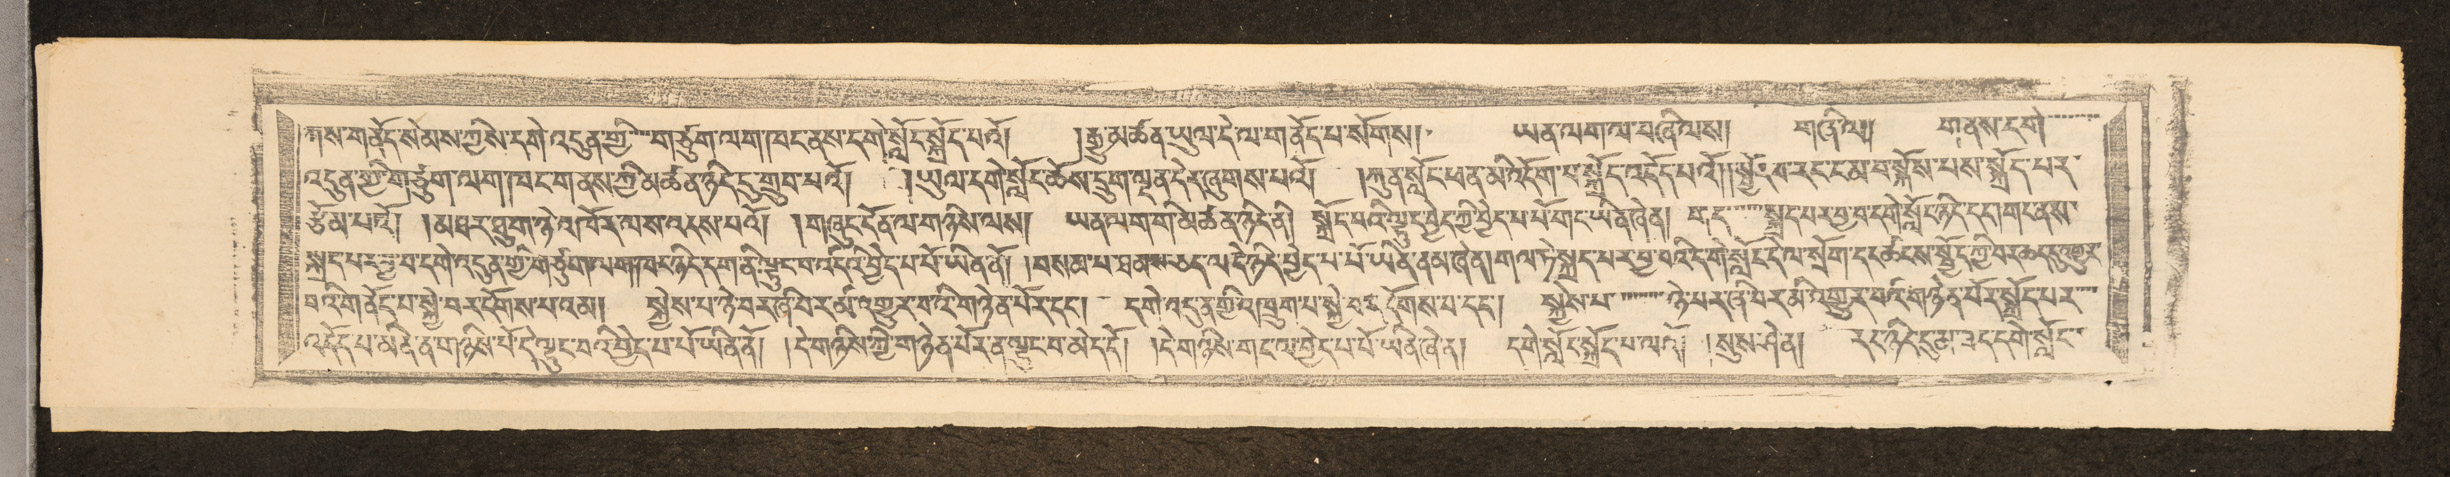ཀས་གནོད་སེམས་ཀྱིས་དགེ་འདུན་གྱི་གཙུག་ལག་ཁང་ནས་དགེ་སློང་སྐྲོད་པའོ། །རྒྱུ་མཚན་ཡུལ་དེ་ལ་གནོད་པ་སོགས། ཡན་ལག་ལ་བཞི་ལས། གཞི་ལ། གནས་དགེ་
འདུན་གྱི་གཙུག་ལག་ཁང་གནས་ཀྱི་མཚན་ཉིད་དུ་གྲུབ་པའོ། །ཡུལ་དགེ་སློང་ཆོས་དྲུག་ལྡན་དེར་ཞུགས་པའོ། །ཀུན་སློང་ཕན་མི་འདོག་པ་སྐྲོད་འདོད་པའོ། །སྦྱོར་བ་རང་ངམ་བསྐོས་པས་སྐྲོད་པར་
རྩོམ་པའོ། །མཐར་ཐུག་ཉེ་འཁོར་ལས་འདས་པའོ། །གཞུང་དོན་ལ་གཉིས་ལས། ཡན་ལག་གི་མཚན་ཉིད་ནི། སྐྲོད་པའི་ལྟུང་བྱེད་ཀྱི་བྱེད་པ་པོ་གང་ཡིན་ཞེ་ན། གང་སྐྲད་པར་བྱ་བ་དགེ་སློང་ཉིད་དང་། གང་ནས་
སྐྲད་པར་བྱ་བ་དགེ་འདུན་གྱི་གཙུག་ལག་ཁང་ཉིད་དག་ནི་ལྟུང་བ་འདིའི་བྱེད་པ་པོ་ཡིན་ནོ། །བསམ་པ་ཐམས་ཅད་ལ་དེ་ཉིད་བྱེད་པ་པོ་ཡིན་ནམ་ཞེ་ན། གལ་ཏེ་སྐྲད་པར་བྱ་བའི་དགེ་སློང་དེ་ལ་སྲོག་དང་ཚངས་སྤྱོད་ཀྱི་བར་ཆད་དུ་འགྱུར་
བའི་གནོད་པ་སྐྱེ་བར་དོགས་པ་འམ། སྐྱེས་པ་ཉེ་བར་ཞི་བར་མི་འགྱུར་བའི་གཉེན་པོར་དང་། དགེ་འདུན་གྱི་འཁྲུག་པ་སྐྱེ་བར་དོགས་པ་དང་། སྐྱེས་པ་ཉེ་བར་ཞི་བར་མི་འགྱུར་བའི་གཉེན་པོར་སྐྲོད་པར་
འདོད་པ་མིན་ན་གཉིས་པོ་དེ་ལྟུང་བའི་བྱེད་པ་པོ་ཡིན་ནོ། །དེ་གཉིས་ཀྱི་གཉེན་པོར་ན་ལྟུང་བ་མེད་དོ། །དེ་གཉིས་གང་ལ་བྱེད་པ་པོ་ཡིན་ཞེ་ན། དགེ་སློང་སྐྲོད་པ་ལའོ། །སུས་ཤེ་ན། རང་ཉིད་དུ་མ་ཟད་དགེ་སློང་